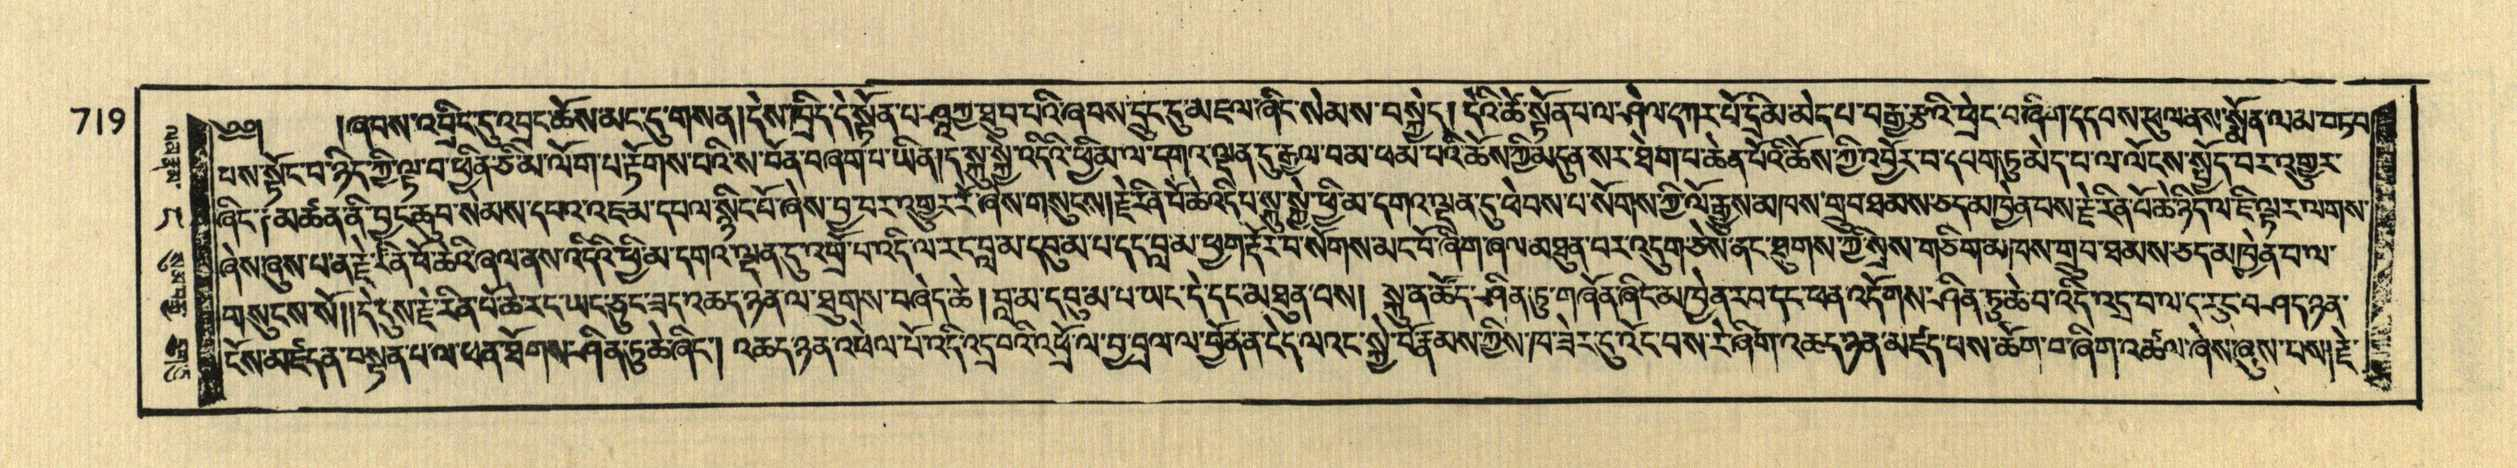༄༅། །ཞབས་འབྲིང་དུ་འབྲང་ཆོས་མང་དུ་གསན། དེས་ཁྲིད་དེ་སྟོན་པ་ཤཱཀྱ་ཐུབ་པའི་ཞབས་དྲུང་དུ་མཇལ་ཞིང་སེམས་བསྐྱེད། དེའི་ཚེ་སྟོན་པ་ལ་ཤེལ་དཀར་པོ་དྲི་མ་མེད་པ་བརྒྱ་རྩའི་ཕྲེང་བ་ཞིག་དད་བས་ཕུལ་ནས་སྨོན་ལམ་བཏབ་
པས་སྟོང་བ་ཉིད་ཀྱི་ལྟ་བ་ཕྱིན་ཅི་མ་ལོག་པ་རྟོགས་པའི་ས་བོན་བཞག་པ་ཡིན། དེ་སྐུ་སྐྱེ་འདིའི་ཕྱི་མ་ལ་དགའ་ལྡན་དུ་རྒྱལ་བ་མ་ཕམ་པའི་ཆོས་ཀྱི་མདུན་སར་ཐེག་པ་ཆེན་པོའི་ཆོས་ཀྱི་འབྱོར་པ་དཔག་ཏུ་མེད་པ་ལ་ལོངས་སྤྱོད་བར་འགྱུར་
ཞིང༑ མཚན་ནི་བྱང་ཆུབ་སེམས་དཔའ་འཇམ་དཔལ་སྙིང་བོ་ཞེས་བྱ་བར་འགྱུར་རོ་ཞེས་གསུངས། རྗེ་རིན་པོ་ཆེ་འདི་པ་སྐུ་སྐྱེ་ཕྱི་མ་དགའ་ལྡན་དུ་ཕེབས་པ་སོགས་ཀྱི་ལོ་རྒྱུས་མཁས་གྲུབ་ཐམས་ཅད་མཁྱེན་པས་རྗེ་རིན་པོ་ཆེ་ཉིད་ལ་ཇི་ལྟར་ལགས་
ཞེས་ཞུས་པ་ན་རྗེ་རིན་པོ་ཆེའི་ཞལ་ནས་འདིའི་ཕྱི་མ་དགའ་ལྡན་དུ་འགྲོ་བ་འདི་ལ་རང་བླ་མ་དབུ་མ་པ་དང་བླ་མ་ཕྱག་རྡོར་བ་སོགས་མང་པོ་ཞིག་ཞལ་མཐུན་པར་འདུག་ཅེས་ནང་ཐུགས་ཀྱི་སྲས་གཅིག་མཁས་གྲུབ་ཐམས་ཅད་མཁྱེན་པ་ལ་
གསུངས་སོ། །དེ་དུས་རྗེ་རིན་པོ་ཆེ་རང་ཡང་ཅུང་ཟད་འཆད་ཉན་ལ་ཐུགས་བཞེད་ཆེ། བླ་མ་དབུ་མ་པ་ཡང་དེ་དང་མཐུན་བས། སྐུ་ན་ཚོད་ཤིན་ཏུ་གཞོན་ཞིང་མཁྱེན་རབ་དང་ཕན་འདོགས་ཤིན་ཏུ་ཆེ་བ་འདི་འདྲ་བ་ལ་ང་རུང་བཤད་ཉན་
ངོས་མཛད་ན་བསྟན་པ་ལ་ཕན་ཐོགས་ཤིན་ཏུ་ཆེ་ཞིང་། འཆད་ཉན་འཕེལ་པོ་འདི་འདྲ་བའི་འཕྲོ་ལ་བྱ་བྲལ་ལ་བྱོན་ན་ངེད་ལའང་སྐྱེ་བོ་རྣམས་ཀྱིས་ཁ་ཟེར་དུ་འོང་བས་རེ་ཞིག་འཆད་ཉན་མཛད་པས་ཆོག་བ་ཞིག་འཚལ་ཞེས་ཞུས་པས། རྗེ་